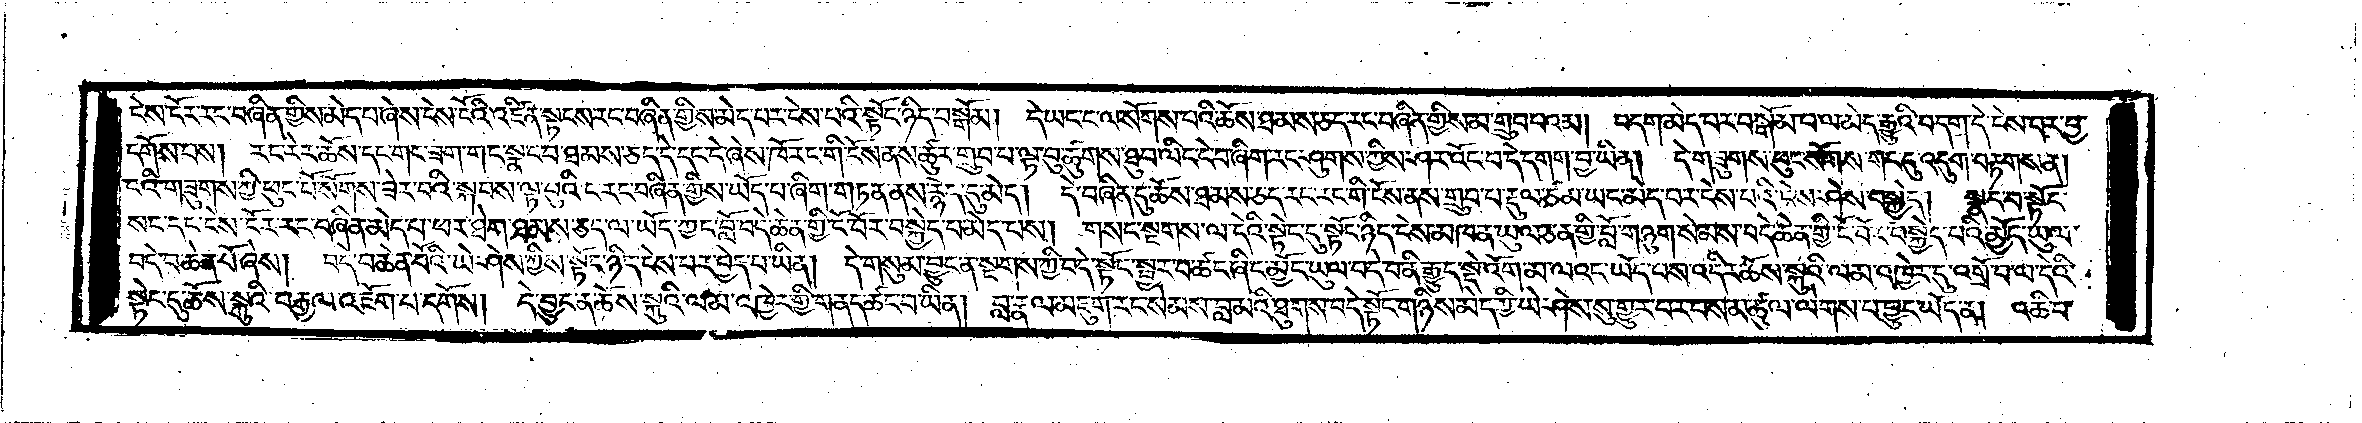དེས་ངོར་རང་བཞིན་གྱིས་མེད་པ་ཞེས་ངེས་ངོའི་འཛིན་སྟངས་རང་བཞིན་གྱིས་མེད་པར་ངེས་པའི་སྟོང་ཉིད་བསྒོམ། དེ་ཡང་ང་ལ་སོགས་པའི་ཆོས་ཐམས་ཅད་རང་བཞིན་གྱིས་མ་གྲུབ་པའམ། བདག་མེད་པར་བསྒོམ་པ་ལ་མེད་རྒྱུའི་བདག་དེ་ངེས་པར་བྱ་
དགོས་པས། རང་རེར་ཆོས་དང་གང་ཟག་གང་སྣང་བ་ཐམས་ཅད་དེ་དང་དེ་ཞེས་ཁོ་རང་གི་ངོས་ནས་ཚུར་གྲུབ་པ་ལྟ་བུ་ཚུགས་ཐུབ་ལིང་ངེ་བ་ཞིག་རང་ཤུགས་ཀྱིས་ཤར་འོང་བ་དེ་དགག་བྱ་ཡིན། དེ་གཟུགས་ཕུང་སོགས་གང་དུ་འདུག་བརྟགས་ན།
ངའི་གཟུགས་ཀྱི་ཕུང་པོ་སོགས་ཟེར་བའི་སྐབས་ལྟ་བུའི་ང་རང་བཞིན་གྱིས་ཡོད་པ་ཞིག་གཏན་ནས་རྙེད་དུ་མེད། དེ་བཞིན་དུ་ཆོས་ཐམས་ཅད་རང་རང་གི་ངོས་ནས་གྲུབ་པ་རྡུལ་ཙམ་ཡང་མེད་པར་ངེས་པའི་ངེས་ཤེས་བསྐྱེད། སྣང་བ་སྟོང་
སང་དང་ངེས་ངོར་རང་བཞིན་མེད་པ་ཕར་ཐེག་ཐམས་ཅད་ལ་ཡོད་ཀྱང་བློ་བདེ་ཆེན་གྱི་ངོ་བོར་བསྐྱེད་པ་མེད་པས། གསང་སྔགས་ལ་དེའི་སྟེང་དུ་སྟོང་ཉིད་ངེས་མཁན་ཡུལ་ཅན་གྱི་བློ་གཉུག་སེམས་བདེ་ཆེན་གྱི་ངོ་བོར་བསྐྱེད་པའི་མྱོང་ཡུལ་
བདེ་བ་ཆེན་པོ་ཞེས། བདེ་བ་ཆེན་པོའི་ཡེ་ཤེས་ཀྱིས་སྟོང་ཉིད་ངེས་པར་བྱེད་པ་ཡིན། དེ་གསུམ་བྱུང་ན་སྔགས་ཀྱི་བདེ་སྟོང་སྦྱར་བ་ཚང་ཞིང་མྱོང་ཡུལ་བདེ་བ་ནི་རྒྱུད་སྡེ་འོག་མ་ལའང་ཡོད་པས་འདིར་ཆོས་སྐུའི་ལམ་འཁྱེར་དུ་འགྲོ་བ་ལ་དེའི་
སྟེང་དུ་ཆོས་སྐུའི་ང་རྒྱལ་འཇོག་པ་དགོས། དེ་བྱུང་ན་ཆོས་སྐུའི་ལམ་འཁྱེར་གྱི་གནད་ཚང་བ་ཡིན། བླ་རྣལ་མཇུག་རང་སེམས་བླ་མའི་ཐུགས་བདེ་སྟོང་གཉིས་མེད་ཀྱི་ཡེ་ཤེས་སུ་གྱུར་བར་བསམ་ཚུལ་ལེགས་པ་བྱུང་ཡོད་ན། འཆི་བ་